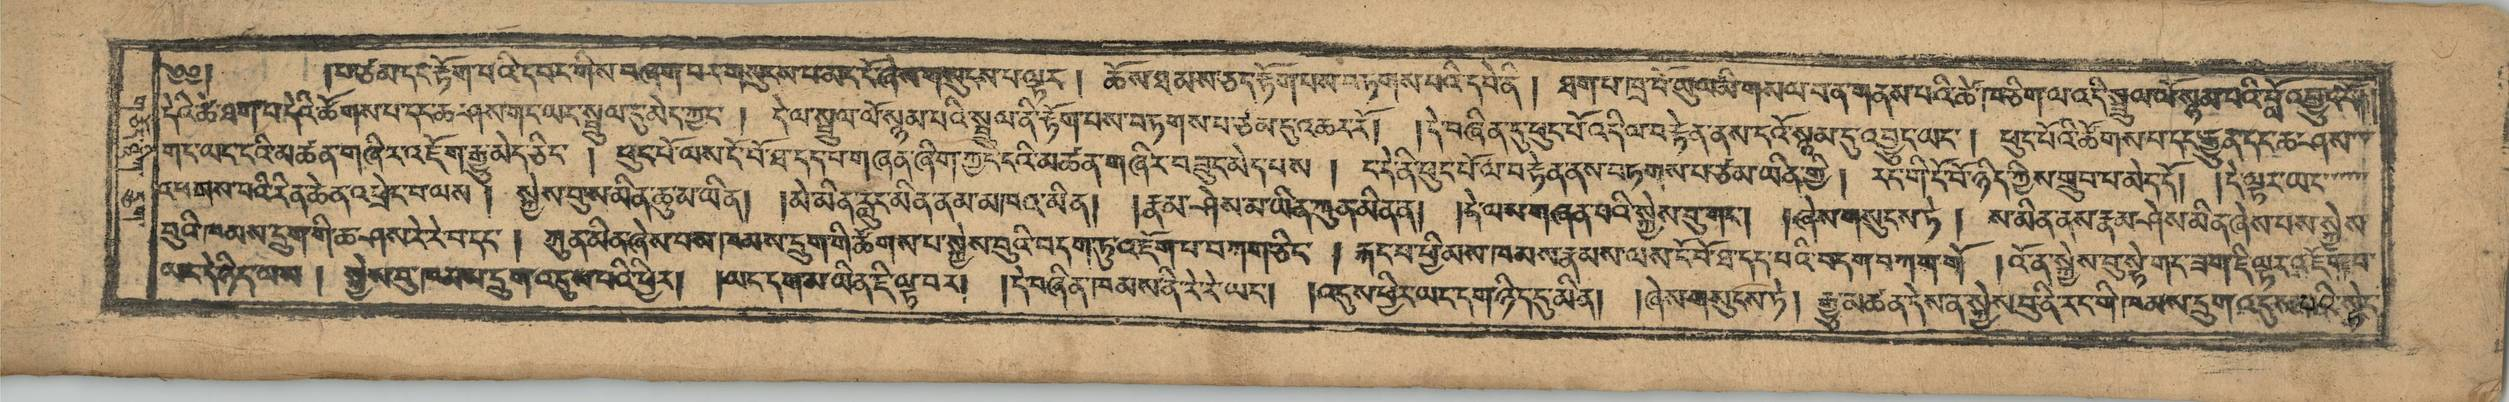༄༅། །པ་ཙམ་དང་རྟོག་པའི་དབང་གིས་བཞག་པར་གསུངས་པ་མང་ངོ་ཞེས་གསུངས་པ་ལྟར། ཆོས་ཐམས་ཅད་རྟོག་པས་བཏགས་པའི་དཔེ་ནི། ཐག་པ་ཁྲ་བོ་ཡུལ་མི་གསལ་བ་ན་གནས་པའི་ཚེ་ཁ་ཅིག་ལ་འདི་སྦྲུལ་ལོ་སྙམ་པའི་བློ་འབྱུང་ངོ། །
དེའི་ཚེ་ཐག་པ་དེའི་ཚོགས་པ་དང་ཆ་ཤས་གང་ཡང་སྦྲུལ་དུ་མེད་ཀྱང་། དེ་ལ་སྦྲུལ་ལོ་སྙམ་པའི་སྦྲུལ་ནི་རྟོག་པས་བཏགས་པ་ཙམ་དུ་འཆར་རོ། །དེ་བཞིན་དུ་ཕུང་པོ་འདི་ལ་བརྟེན་ནས་ངའོ་སྙམ་དུ་འབྱུང་ཡང་། ཕུང་པོའི་ཚོགས་པ་དང་རྒྱུན་དང་ཆ་ཤས་
གང་ཡང་ངའི་མཚན་གཞིར་འཇོག་རྒྱུ་མེད་ཅིང་། ཕུང་པོ་ལས་ངོ་བོ་ཐ་དད་པ་གཞན་ཞིག་ཀྱང་ངའི་མཚན་གཞིར་བཟུང་མེད་པས། ང་དེ་ནི་ཕུང་པོ་ལ་བརྟེན་ནས་བཏགས་པ་ཙམ་ཡིན་གྱི། རང་གི་ངོ་བོ་ཉིད་ཀྱིས་གྲུབ་པ་མེད་དོ། །དེ་ལྟར་ཡང་
འཕགས་པའི་རིན་ཆེན་འཕྲེང་བ་ལས། སྐྱེས་བུ་ས་མིན་ཆུ་མ་ཡིན། །མེ་མིན་རླུང་མིན་ནམ་མཁའ་མིན། །རྣམ་ཤེས་མ་ཡིན་ཀུན་མིན་ན། །དེ་ལས་གཞན་པའི་སྐྱེས་བུ་གང་། །ཞེས་གསུངས་ཏེ། ས་མིན་ནས་རྣམ་ཤེས་མིན་ཞེས་པས་སྐྱེས་
བུའི་ཁམས་དྲུག་གི་ཆ་ཤས་རེ་རེ་བ་དང་། ཀུན་མིན་ཞེས་པས་ཁམས་དྲུག་གི་ཚོགས་པ་སྐྱེས་བུའི་བདག་ཏུ་འཇོག་པ་བཀག་ཅིང་། རྐང་པ་ཕྱི་མས་ཁམས་རྣམས་ལས་ངོ་བོ་ཐ་དད་པའི་བདག་བཀག་གོ །འོ་ན་སྐྱེས་བུ་སྟེ་གང་ཟག་ཇི་ལྟར་འཇོག་པ་
ཡང་དེ་ཉིད་ལས། སྐྱེས་བུ་ཁམས་དྲུག་འདུས་པའི་ཕྱིར། །ཡང་དག་མ་ཡིན་ཇི་ལྟ་བར། །དེ་བཞིན་ཁམས་ནི་རེ་རེ་ཡང་། །འདུས་ཕྱིར་ཡང་དག་ཉིད་དུ་མིན། །ཞེས་གསུངས་ཏེ། རྒྱུ་མཚན་དེས་ན་སྐྱེས་བུ་ནི་རང་གི་ཁམས་དྲུག་འདུས་པའི་སྟེང་